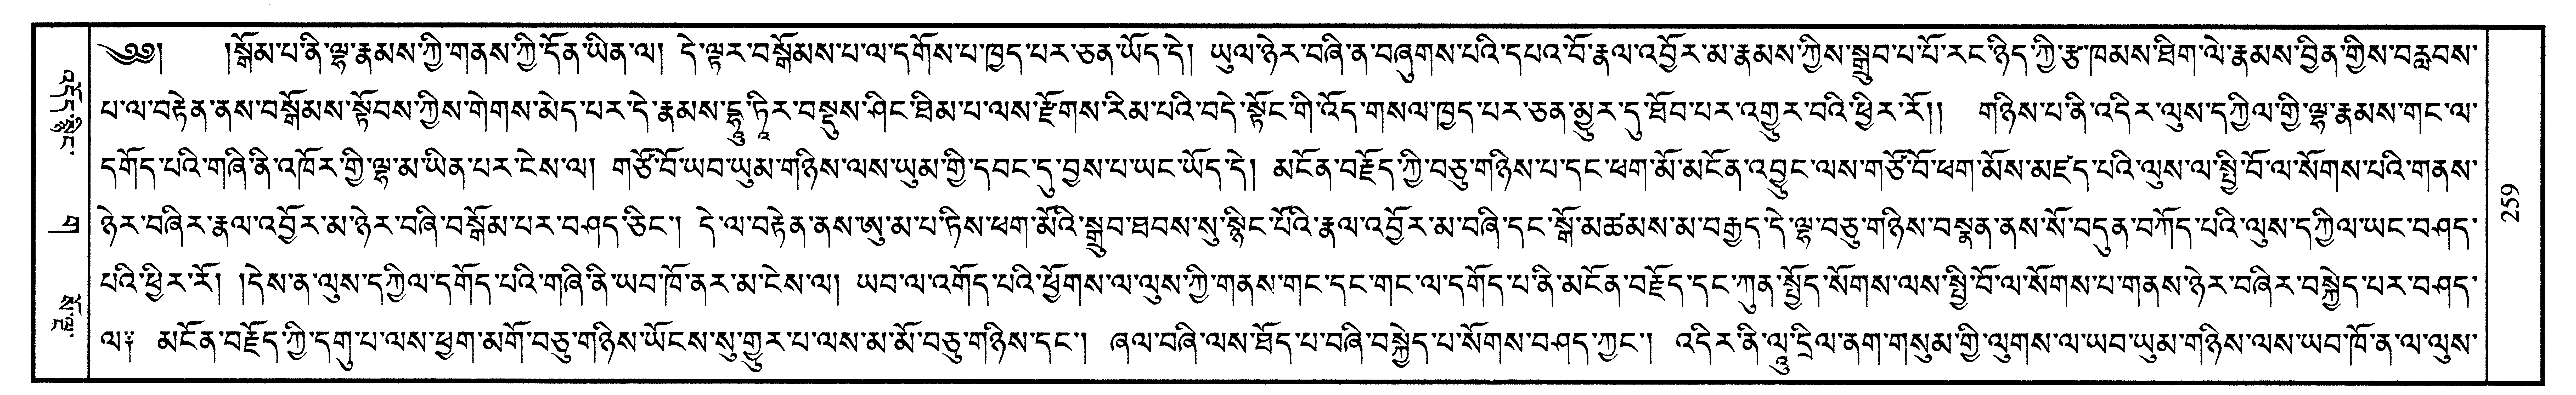༄༅། །སྒོམ་པ་ནི་ལྷ་རྣམས་ཀྱི་གནས་ཀྱི་དོན་ཡིན་ལ། དེ་ལྟར་བསྒོམས་པ་ལ་དགོས་པ་ཁྱད་པར་ཅན་ཡོད་དེ། ཡུལ་ཉེར་བཞི་ན་བཞུགས་པའི་དཔའ་བོ་རྣལ་འབྱོར་མ་རྣམས་ཀྱིས་སྒྲུབ་པ་པོ་རང་ཉིད་ཀྱི་རྩ་ཁམས་ཐིག་ལེ་རྣམས་བྱིན་གྱིས་བརླབས་
པ་ལ་བརྟེན་ནས་བསྒོམས་སྟོབས་ཀྱིས་གེགས་མེད་པར་དེ་རྣམས་དྷཱུ་ཏཱིར་བསྡུས་ཤིང་ཐིམ་པ་ལས་རྫོགས་རིམ་པའི་བདེ་སྟོང་གི་འོད་གསལ་ཁྱད་པར་ཅན་མྱུར་དུ་ཐོབ་པར་འགྱུར་བའི་ཕྱིར་རོ།། གཉིས་པ་ནི་འདིར་ལུས་དཀྱིལ་གྱི་ལྷ་རྣམས་གང་ལ་
དགོད་པའི་གཞི་ནི་འཁོར་གྱི་ལྷ་མ་ཡིན་པར་ངེས་ལ། གཙོ་བོ་ཡབ་ཡུམ་གཉིས་ལས་ཡུམ་གྱི་དབང་དུ་བྱས་པ་ཡང་ཡོད་དེ། མངོན་བརྗོད་ཀྱི་བཅུ་གཉིས་པ་དང་ཕག་མོ་མངོན་འབྱུང་ལས་གཙོ་བོ་ཕག་མོས་མཛད་པའི་ལུས་ལ་སྤྱི་བོ་ལ་སོགས་པའི་གནས་
ཉེར་བཞིར་རྣལ་འབྱོར་མ་ཉེར་བཞི་བསྒོམ་པར་བཤད་ཅིང་། དེ་ལ་བརྟེན་ནས་ཨུ་མ་པ་ཏིས་ཕག་མོའི་སྒྲུབ་ཐབས་སུ་སྙིང་པོའི་རྣལ་འབྱོར་མ་བཞི་དང་སྒོ་མཚམས་མ་བརྒྱད་དེ་ལྷ་བཅུ་གཉིས་བསྣན་ནས་སོ་བདུན་བཀོད་པའི་ལུས་དཀྱིལ་ཡང་བཤད་
པའི་ཕྱིར་རོ། །དེས་ན་ལུས་དཀྱིལ་དགོད་པའི་གཞི་ནི་ཡབ་ཁོ་ནར་མ་ངེས་ལ། ཡབ་ལ་འགོད་པའི་ཕྱོགས་ལ་ལུས་ཀྱི་གནས་གང་དང་གང་ལ་དགོད་པ་ནི་མངོན་བརྗོད་དང་ཀུན་སྤྱོད་སོགས་ལས་སྤྱི་བོ་ལ་སོགས་པ་གནས་ཉེར་བཞིར་བསྐྱེད་པར་བཤད་
ལ༑ མངོན་བརྗོད་ཀྱི་དགུ་པ་ལས་ཕྱག་མགོ་བཅུ་གཉིས་ཡོངས་སུ་གྱུར་པ་ལས་མ་མོ་བཅུ་གཉིས་དང་། ཞལ་བཞི་ལས་ཐོད་པ་བཞི་བསྐྱེད་པ་སོགས་བཤད་ཀྱང་། འདིར་ནི་ལཱུ་དྲིལ་ནག་གསུམ་གྱི་ལུགས་ལ་ཡབ་ཡུམ་གཉིས་ལས་ཡབ་ཁོ་ན་ལ་ལུས་